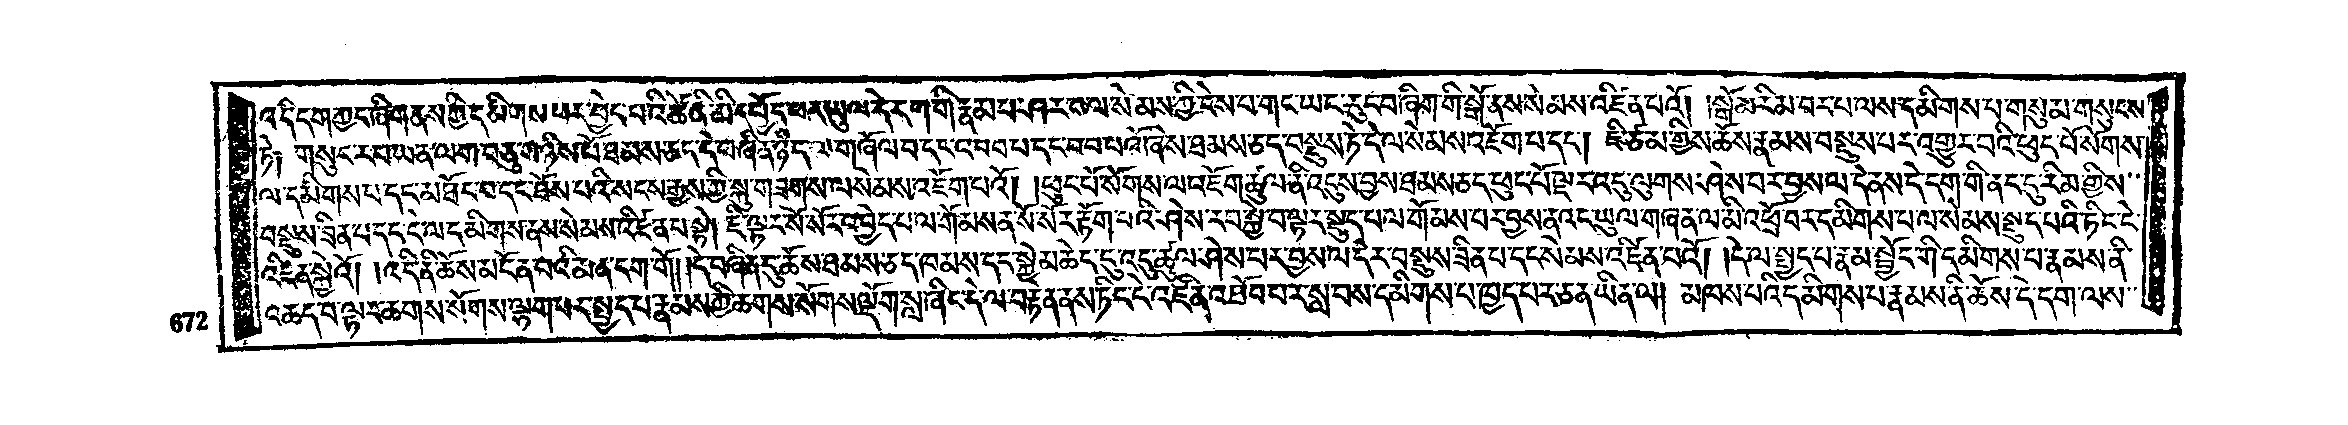འདི་དག་ཀྱང་ཞི་གནས་ཀྱི་དམིགས་པར་བྱེད་པའི་ཚེ་ནི་མི་དཔྱོད་པར་ཡུལ་དེ་དག་གི་རྣམ་པ་ཤར་བ་ལ་སེམས་ཀྱི་ངེས་པ་གང་ཡང་རུང་བ་ཞིག་གི་སྒོ་ནས་སེམས་འཛིན་པའོ། །སྒོམ་རིམ་བར་པ་ལས་དམིགས་པ་གསུམ་གསུངས་
ཏེ༑ གསུང་རབ་ཡན་ལག་བཅུ་གཉིས་པོ་ཐམས་ཅད་དེ་བཞིན་ཉིད་ལ་གཞོལ་བ་དང་འབབ་པ་དང་བབ་པའོ་ཞེས་ཐམས་ཅད་བསྡུས་ཏེ་དེ་ལ་སེམས་འཇོག་པ་དང་། ཇི་ཙམ་གྱིས་ཆོས་རྣམས་བསྡུས་པར་འགྱུར་བའི་ཕུང་པོ་སོགས་
ལ་དམིགས་པ་དང་མཐོང་བ་དང་ཐོས་པའི་སངས་རྒྱས་ཀྱི་སྐུ་གཟུགས་ལ་སེམས་འཇོག་པའོ། །ཕུང་པོ་སོགས་ལ་འཇོག་ཚུལ་ནི་འདུས་བྱས་ཐམས་ཅད་ཕུང་པོ་ལྔར་འདུ་ལུགས་ཤེས་པར་བྱས་ལ་དེ་ནས་དེ་དག་གི་ནང་དུ་རིམ་གྱིས་
བསྡུས་ཟིན་པ་དང་དེ་ལ་དམིགས་ནས་སེམས་འཛིན་པ་སྟེ། ཇི་ལྟར་སོ་སོར་འབྱེད་པ་ལ་གོམས་ན་སོ་སོར་རྟོག་པའི་ཤེས་རབ་སྐྱེ་བ་ལྟར་སྡུད་པ་ལ་གོམས་པར་བྱས་ནའང་ཡུལ་གཞན་ལ་མི་འཕྲོ་བར་དམིགས་པ་ལ་སེམས་སྡུད་པའི་ཏིང་ངེ་
འཛིན་སྐྱེའོ། །འདི་ནི་ཆོས་མངོན་པའི་མན་ངག་གོ། །དེ་བཞིན་དུ་ཆོས་ཐམས་ཅད་ཁམས་དང་སྐྱེ་མཆེད་དུ་འདུ་ཚུལ་ཤེས་པར་བྱས་ལ་དེར་བསྡུས་ཟིན་པ་དང་སེམས་འཛིན་པའོ། །དེ་ལ་སྤྱད་པ་རྣམ་སྦྱོང་གི་དམིགས་པ་རྣམས་ནི་
འཆད་པ་ལྟར་ཆགས་སོགས་ལྷག་པར་སྤྱད་པ་རྣམས་ཀྱི་ཆགས་སོགས་ལྡོག་སླ་ཞིང་དེ་ལ་བརྟེན་ནས་ཏིང་ངེ་འཛིན་འཐོབ་པར་སླ་བས་དམིགས་པ་ཁྱད་པར་ཅན་ཡིན་ལ། མཁས་པའི་དམིགས་པ་རྣམས་ནི་ཆོས་དེ་དག་ལས་